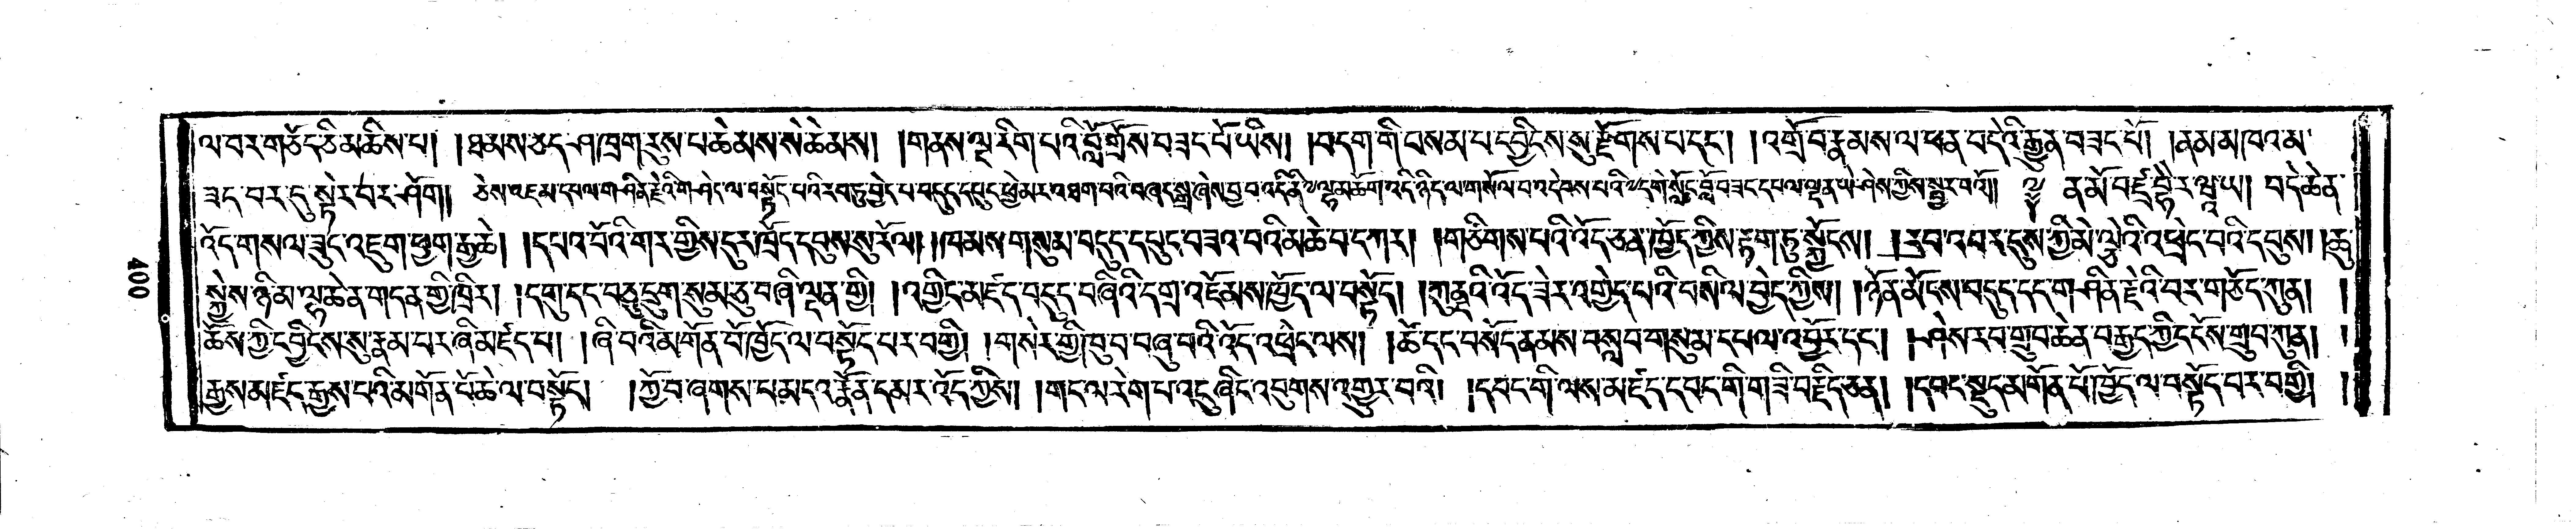ལ་བར་གཅོད་ཅི་མཆིས་པ། །ཐམས་ཅད་ཤ་ཁྲག་རུས་པ་ཆེམས་སེ་ཆེམས། །གནས་ལྔ་རིག་པའི་བློ་གྲོས་བཟང་པོ་ཡིས། །བདག་གི་བསམ་པ་དབྱིངས་སུ་རྫོགས་པ་དང་། །འགྲོ་བ་རྣམས་ལ་ཕན་བདེའི་རྒྱུན་བཟང་པོ། །ནམ་མཁའ་མ་
ཟད་བར་དུ་སྟེར་བར་ཤོག། ཅེས་འཇམ་དཔལ་གཤིན་རྗེའི་གཤེད་ལ་བསྟོད་པའི་རབ་ཏུ་བྱེད་པ་བདུད་དཔུང་ཕྱེ་མར་འཐག་བའི་བཞད་སྒྲ་ཞེས་བྱ་བ་འདི་ནི་༧་ལྷ་མཆོག་འདི་ཉིད་ལ་གསོལ་བ་འདེབས་པའི་༧་དགེ་སློང་བློ་བཟང་དཔལ་ལྡན་ཡེ་ཤེས་ཀྱིས་སྦྱར་བའོ།། ༈ ན་མོ་བཛྲ་བྷཻ་ར་ཝཱ་ཡ། བདེ་ཆེན་
འོད་གསལ་ཟུང་འཇུག་ཕྱག་རྒྱ་ཆེ། །དཔའ་བོའི་གར་གྱིས་དུར་ཁྲོད་དབུས་སུ་རོལ། །ཁམས་གསུམ་བདུད་དཔུང་བཟའ་བའི་མཆེ་བ་དཀར། །གཙིགས་པའི་འོད་ཅན་ཁྱོད་ཀྱིས་རྟག་ཏུ་སྐྱོངས། །རབ་འབན་དུས་ཀྱི་མེ་ལྕེའི་འཕྲེང་བའི་དབུས། །ཆུ་
སྐྱེས་ཉི་མ་ལྷ་ཆེན་གདན་གྱི་ཁྲིར། །དགུ་དང་བཅུ་དྲུག་སུམ་ཅུ་བཞི་ལྡན་གྱི། །འགྱིང་མཛད་བདུད་བཞིའི་དགྲ་འཛོམས་ཁྱོད་ལ་བསྟོད། །ཀུནྡའི་འོད་ཟེར་འགྱེད་པའི་བསིལ་བྱེད་ཀྱིས། །ཉོན་མོངས་བདུད་དང་གཤིན་རྗེའི་བར་གཅོད་ཀུན། །
ཆོས་ཀྱི་དབྱིངས་སུ་རྣམ་པར་ཞི་མཛད་པ། །ཞི་བའི་མགོན་པོ་ཁྱོད་ལ་བསྟོད་པར་བགྱི། །གསེར་གྱི་ཁུ་བ་བཞུ་བའི་འོད་འཕྲེང་ལས། །ཚེ་དང་བསོད་ནམས་བསླབ་གསུམ་དཔལ་འབྱོར་དང་། །ཤེས་རབ་གྲུབ་ཆེན་བརྒྱད་ཀྱི་དངོས་གྲུབ་ཀུན། །
རྒྱས་མཛད་རྒྱས་པའི་མགོན་པོ་ཆེ་ལ་བསྟོད། །ཀྱོ་བ་ཞགས་པ་མདའ་རྣོན་དམར་འོད་ཀྱིས། །གང་ལ་རེག་པ་འདུ་ཞིང་འབུགས་འགྱུར་བའི། །དབང་གི་ལས་མཛད་དབང་གི་གཟི་བརྗིད་ཅན། །དབང་སྡུད་མགོན་པོ་ཁྱོད་ལ་བསྟོད་བར་བགྱི། །